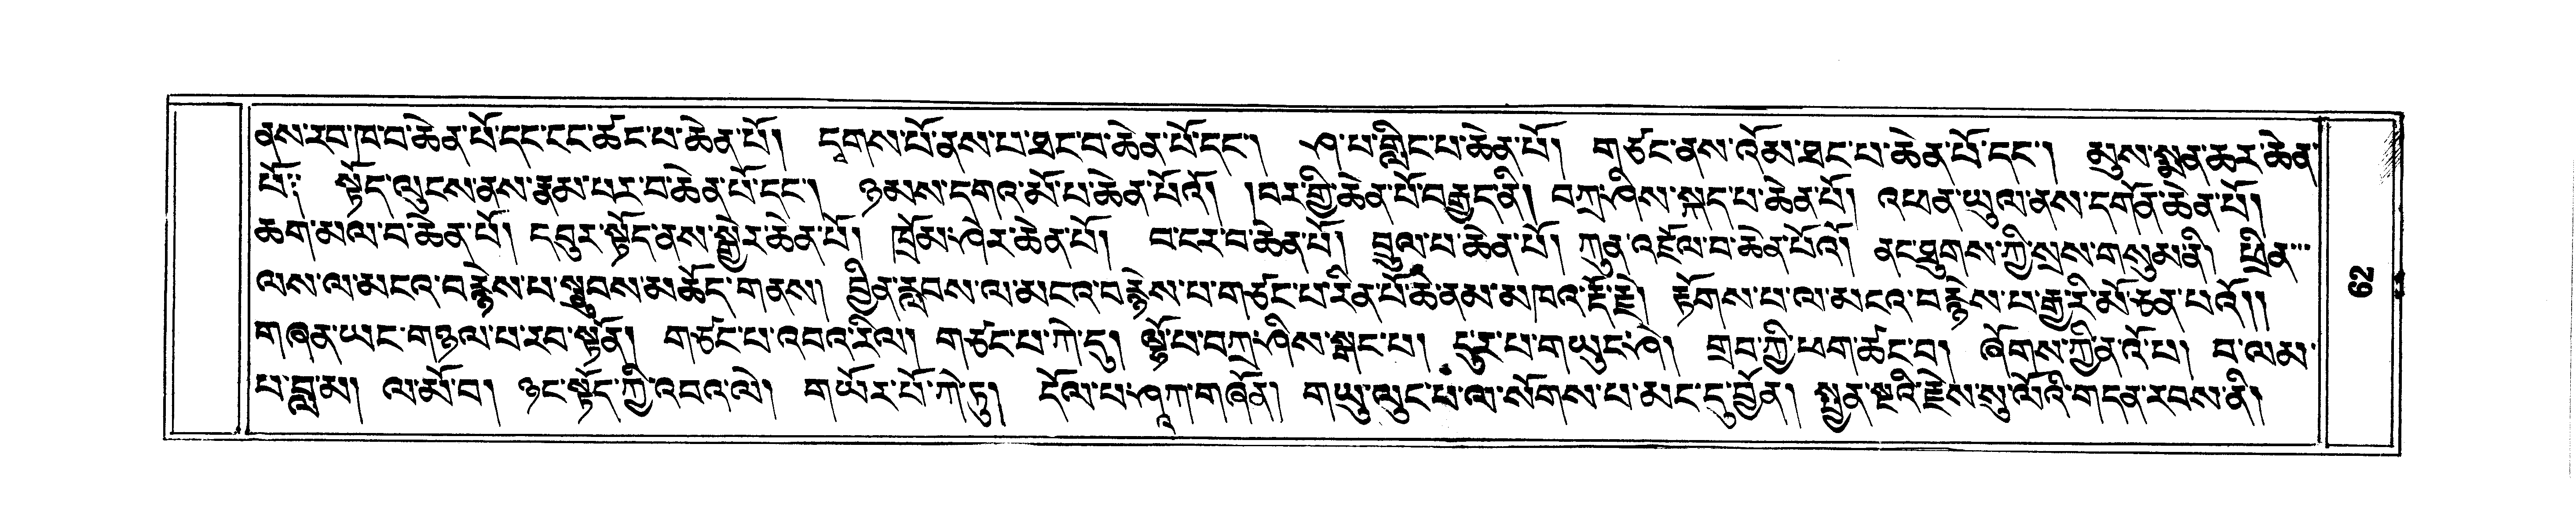ནས་རབ་ཁ་བ་ཆེན་པོ་དང་ངང་ཚང་པ་ཆེན་པོ། དྭགས་པོ་ནས་པ་ཐང་པ་ཆེན་པོ་དང་། ཤ་པ་གླིང་པ་ཆེན་པོ། གཙང་ནས་འོམ་ཐང་པ་ཆེན་པོ་དང་། མུས་སྨན་ཆར་ཆེན་
པོ༑ སྟོད་ལུངས་ནས་རྣམ་པར་བ་ཆེན་པོ་དང་། ཉམས་དགའ་མོ་པ་ཆེན་པོའོ། །བར་གྱི་ཆེན་པོ་བརྒྱད་ནི། བཀྲ་ཤིས་སྐད་པ་ཆེན་པོ། འཕན་ཡུལ་ནས་དགོན་ཆེན་པོ།
ཆག་མལ་བ་ཆེན་པོ། དབུར་སྟོད་ནས་སྒྱེར་ཆེན་པོ། ཁྲོམ་ཤེར་ཆེན་པོ། བ་ངར་བ་ཆེན་པོ། བྲུལ་པ་ཆེན་པོ། ཀུན་འཇོལ་བ་ཆེན་པོའོ། ནང་ཐུགས་ཀྱི་སྲས་གསུམ་ནི། ཕྲིན་
ལས་ལ་མངའ་བརྙེས་པ་སྣུབས་མཆོད་གནས། བྱིན་རླབས་ལ་མངའ་བརྙེས་པ་གཙང་པ་རིན་པོ་ཆེ་ནམ་མཁའ་རྡོ་རྗེ། རྟོགས་པ་ལ་མངའ་བརྙེས་པ་རྒྱ་རི་མོ་ཅན་པའོ།།
གཞན་ཡང་གཉལ་པ་རབ་སྟོན། གཙང་པ་འབའ་རིལ། གཙང་པ་ཀེ་དུ། ལྷོ་པ་བཀྲ་ཤིས་སྒང་པ། དུ་ར་པ་གཡུང་ཤེ། གྲབ་ཀྱི་ཕག་ཚང་བ། ཞོགས་ཀྱི་ནའོ་པ། བ་ལམ་
པ་བླ་མ། ལ་མོ་བ། ཉང་སྟོད་ཀྱི་འབའ་ལེ། གཡོར་པོ་ཀེ་ཏུ། དོལ་པ་ཤཱཀ་གཞོན། གཡུ་ལུང་པ་ལ་སོགས་པ་མང་དུ་བྱོན། སྤྱན་སྔའི་རྗེས་སུ་ལོའི་གདན་རབས་ནི།